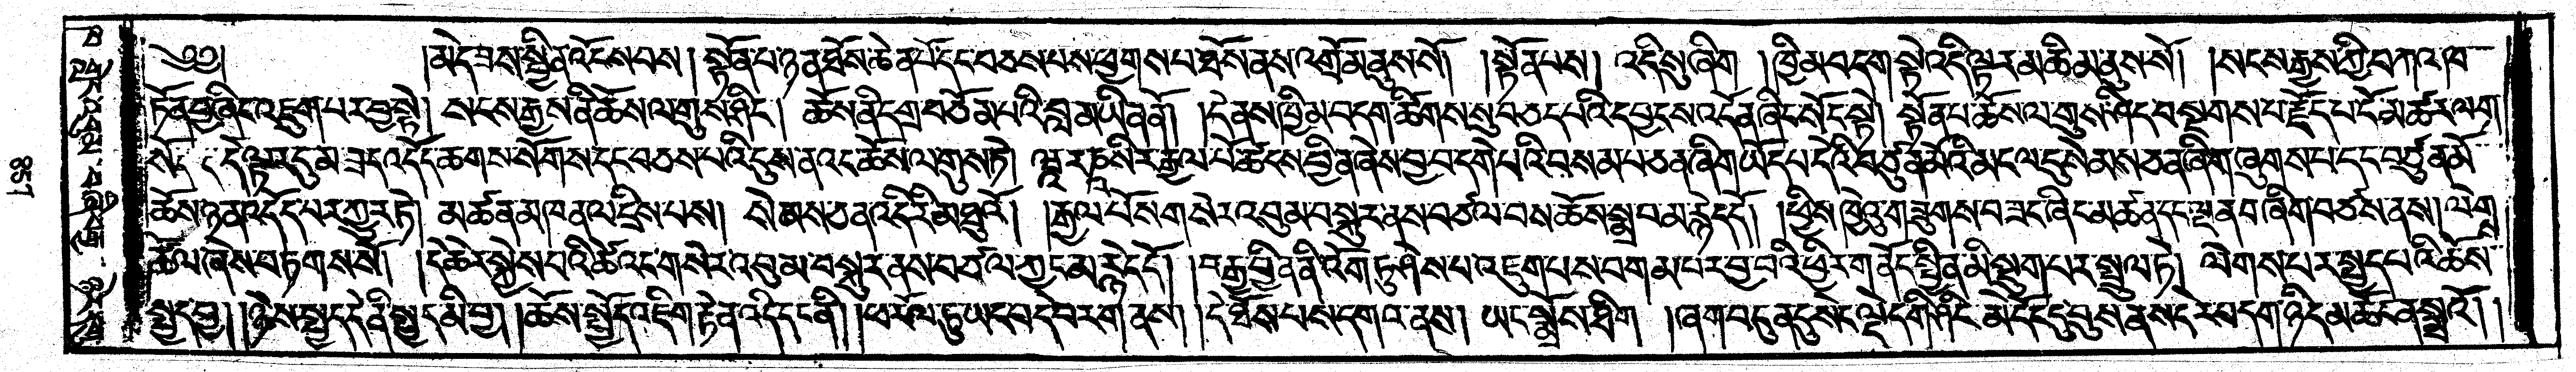༄༅། །མེད་ཟས་སྦྱིན་འོངས་བས། སྟོན་པ་ཉན་ཐོས་ཆེན་པོ་དང་བཅས་པས་ཕྱགས་པ་ཐོས་ནས་འགྲོ་མནུས་སོ། །སྟོན་པས། འདི་སུ་ཞིག །ཁྱིམ་བདག་སྟེ་འདི་ལྟར་མཆིམ་ནུས་སོ། །སངས་རྒྱས་ཀྱི་བཀའ་ཁ་
ཏོན་བྱ་ཞིང་འཇུག་པར་བྱ་སྟེ། སངས་རྒྱས་ནི་ཆོས་ལ་གུས་ཤིང་། ཆོས་ནི་དགྲ་བཅོམ་པའི་བླ་མ་ཡིན་ནོ། །དེ་ནས་ཁྱིམ་བདག་ཚིགས་སུ་བཅད་པའི་དབྱངས་འདོན་ཞིང་སོང་སྟེ། སྟོན་པ་ཆོས་ལ་གུས་ཤིང་བསྔགས་པ་རྗོད་པ་ངོ་མཚར་ལག་
སོ༑ ༑དེ་ལྟར་དུ་མ་ཟད་འདོད་ཆགས་སོགས་དང་བཅས་པའི་དུས་ནའང་ཆོས་ལ་གུས་ཏེ། ཝཱ་ར་ཎཱ་སིར་རྒྱལ་པོ་ཚངས་བྱིན་ཞེས་བྱ་བ་དགེ་པའི་བསམ་པ་ཅན་ཞིག་ཡོད་པ་དེའི་བཙུན་མོའི་མངལ་དུ་སེམས་ཅན་ཞིག་ཞུགས་པ་དང་བཙུན་མོ་
ཆོས་ཉན་འདོད་པར་ཀྱུར་ཏེ། མཚན་མཁན་ལ་དྲིས་པས། སེམས་ཅན་འདི་རི་མཐུའོ། །རྒྱལ་པོས་གསེར་འབུམ་བསྐུར་ནས་བཙལ་བས་ཆོས་སྨྲ་བ་མ་རྙེད་དོ། །ཕྱིས་ཁྱེའུ་གཟུགས་བཟང་ཞིང་མཚན་དང་ལྡན་བཞིག་བཙས་ནས། ལེགས་
ཚོལ་ཞེས་བཏགས་སོ། །དེ་ཆེར་སྐྱེས་པའི་ཚེའང་གསེར་འབུམ་བསྐུར་ནས་བཙལ་ཀྱང་མ་རྙེད་དོ། །བརྒྱ་བྱིན་ནི་འོག་ཏུ་ཤེ་པ་འཇུག་པས་བགམ་པར་བྱ་བའི་ཕྱིར་གནོད་སྤྱིན་མི་སྡུག་པར་སྤྲུལ་ཏེ། ལེགས་པར་སྤྱད་པའི་ཆོས་
སྤྱད་བྱ། །ཉེས་སྤྱད་དེ་ནི་སྤྱད་མི་བྱ། །ཆོས་སྤྱོད་འཇིག་རྟེན་འདི་དང་ནི། །ཕ་རོལ་ཏུ་ཡང་བདེ་བར་གནས། །དེ་ཐོས་པས་དགའ་ནས། ཡང་སྨྲོས་ཐིག །ཞག་བདུན་དུ་སེང་ལྡེང་གི་ཤིང་མེ་དོང་དུ་བུས་ནས་དེར་བདག་ཉིད་མཆོང་ན་སྨྲའོ།།